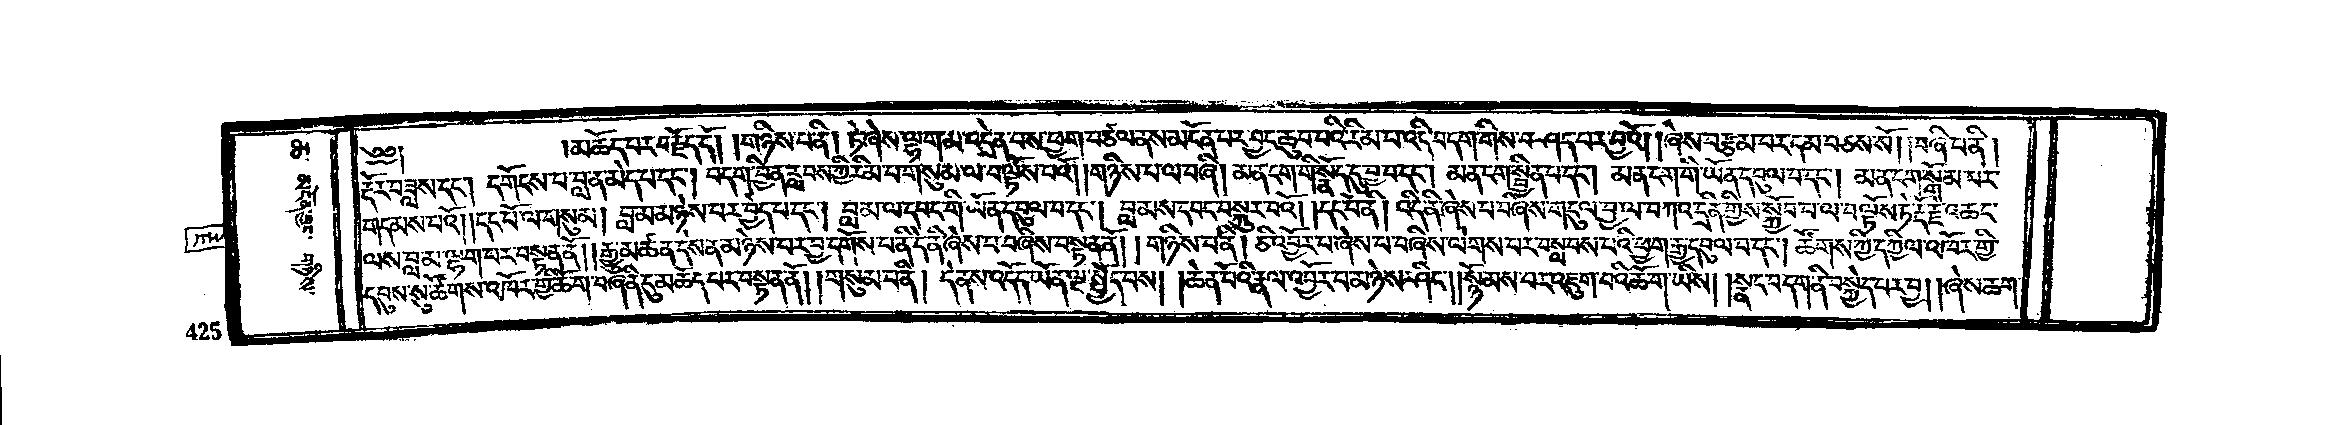༄༅། །མཆོད་པར་བརྗོད་དོ། །གཉིས་པ་ནི། ཏེ་ཞེས་ལྷག་མ་འདྲེན་པས་ཕྱག་བཙལ་ནས་མངོན་པར་བྱང་ཆུབ་པའི་རིམ་པ་འདི་བདག་གིས་བཤད་པར་བྱའོ། །ཞེས་བརྩམ་པར་དམ་བཅས་སོ། །བཞི་པ་ནི།
རྡོར་བཟླས་དང་། དགོངས་པ་བླ་ན་མེད་པ་དང་། བདག་བྱིན་རླབས་ཀྱི་རིམ་པ་གསུམ་ལ་བལྟོས་པའོ། །གཉིས་པ་ལ་བཞི། མན་ངག་གི་སྣོད་དུ་བྱ་བ་དང་། མན་ངག་སྦྱིན་པ་དང་། མན་ངག་གི་ཡོན་དབུལ་བ་དང་། མན་ངག་སྒོམ་པར་
གདམས་པའོ། །དང་པོ་ལ་གསུམ། བླ་མ་མཉེས་པར་བྱེད་པ་དང་། བླ་མ་ལ་དབང་གི་ཡོན་དབུལ་བ་དང་། བླ་མས་དབང་བསྐུར་བའོ། །དང་པོ་ནི། འདི་ནི་ཞེས་པ་བཞིས་གདུལ་བྱ་ལ་བཀའ་དྲིན་གྱིས་སྐྱོབ་པ་ལ་བལྟོས་ཏེ་རྡོ་རྗེ་འཆང་
ལས་བླ་མ་ལྷག་པར་བསྟན་ནོ། །རྒྱུ་མཚན་དེས་ན་མཉེས་པར་བྱ་དགོས་པ་ནི་དེ་ནི་ཞེས་པ་བཞིས་བསྟན་ནོ། །གཉིས་པ་ནི། ཅི་འབྱོར་པ་ཞེས་པ་བཞིས་ལེགས་པར་བསླབས་པའི་ཕྱག་རྒྱ་དབུལ་བ་དང་། ཚོགས་ཀྱི་དཀྱིལ་འཁོར་གྱི་
དབུས་སུ་ཚོགས་འཁོར་གྱི་ཆོ་ག་བཞིན་དུ་མཆོད་པར་བསྟན་ནོ། །གསུམ་པ་ནི། དེ་ནས་འདོད་ཡོན་ལྔ་སྤྱོད་པས། །ཆེན་པོའི་རྣལ་འབྱོར་པ་མཉེས་ཤིང་། །སྙོམས་པར་འཇུག་པའི་ཆོ་ག་ཡིས། །སྣང་བདག་ནི་བསྐྱེད་པར་བྱ། །ཞེས་ཆག་